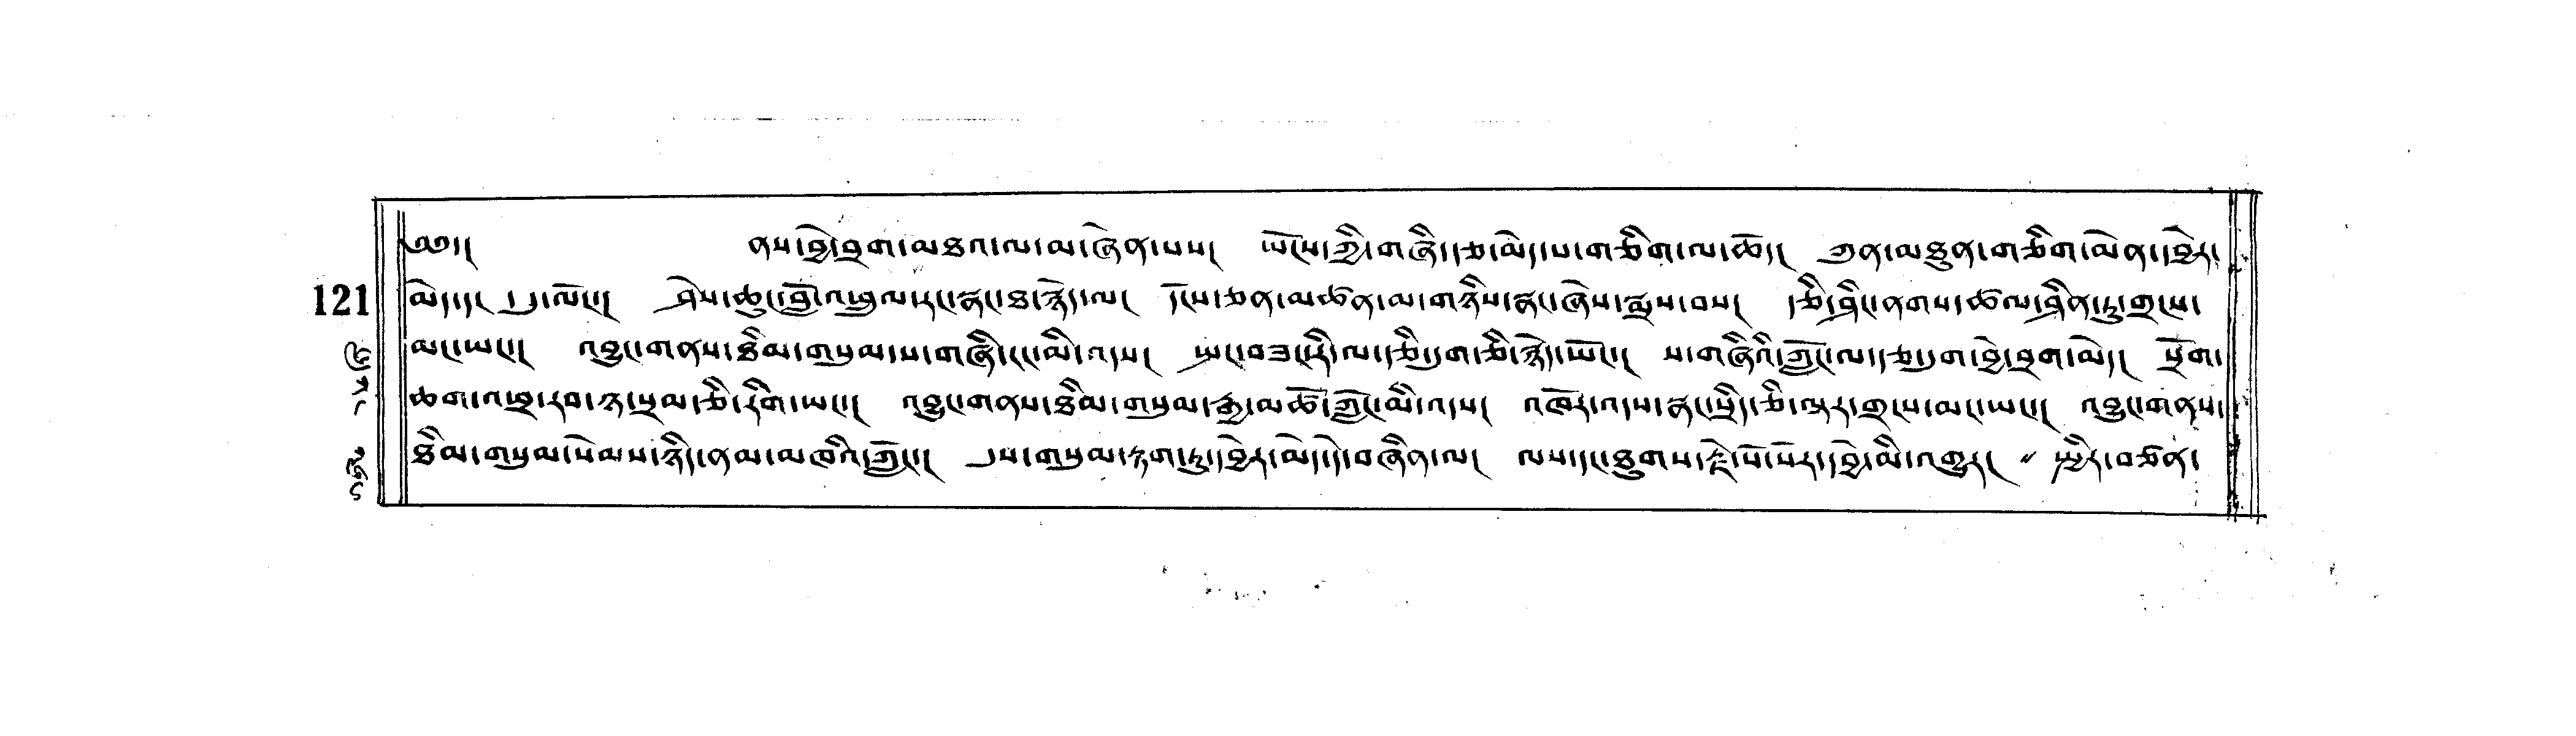ནས་བྱེ་བྲག་མཐའ་ལ་མ་ཞེན་པས། ཡོངས་ཀྱི་གཞི་རྩ་མེད་པ་གཅིག་ལ་ཆོད། ཀུན་མཐུན་གཅིག་ལེན་དབྱེར་
མེད་དང་དུ་ལོངས། ཤེས་ཆུང་བློ་འཁྲུལ་རང་སྣང་ཐ་སྙད་ལ། དངོས་ཅན་མཚན་མ་གཉིས་སྣང་ཞེས་སྨྲས་པས། རྩི་ཤིང་ནགས་ཚལ་ཤིན་ཏུ་གྲངས་
མང་ཡང་། འབྱུང་གནས་ཐིམ་གསུམ་ས་གཞི་ངང་མི་འདས། སྤང་བཟང་རི་ལ་རྩི་དུག་ཅི་སྙེད་ཡོང་། ས་གཞིའི་ཀློང་ལ་རྩི་དུག་བྱེ་བྲག་མེད། སྲོག་
ཆགས་འཕྲ་རབ་ཉ་སྲམ་ཅི་རིགས་ཡང་། འབྱུང་གནས་ཐིམ་གསུམ་རྒྱ་མཚོ་ཀློང་མི་འདས། འཁོར་འདས་སྣང་སྲིད་ཅི་ལྟར་གྲངས་མང་ཡང་། འབྱུང་གནས་
ཐིམ་གསུམ་སེམས་ཉིད་ནམ་མཁའི་ཀློང་། དུས་གསུམ་རྟག་ཏུ་དབྱེར་མེད་དེ་བཞིན་ལ། ལས་དང་ཐུགས་རྗེ་སོ་སོར་དབྱེ་མི་འགྱུར། ༧ སྤྱིར་བཙན་